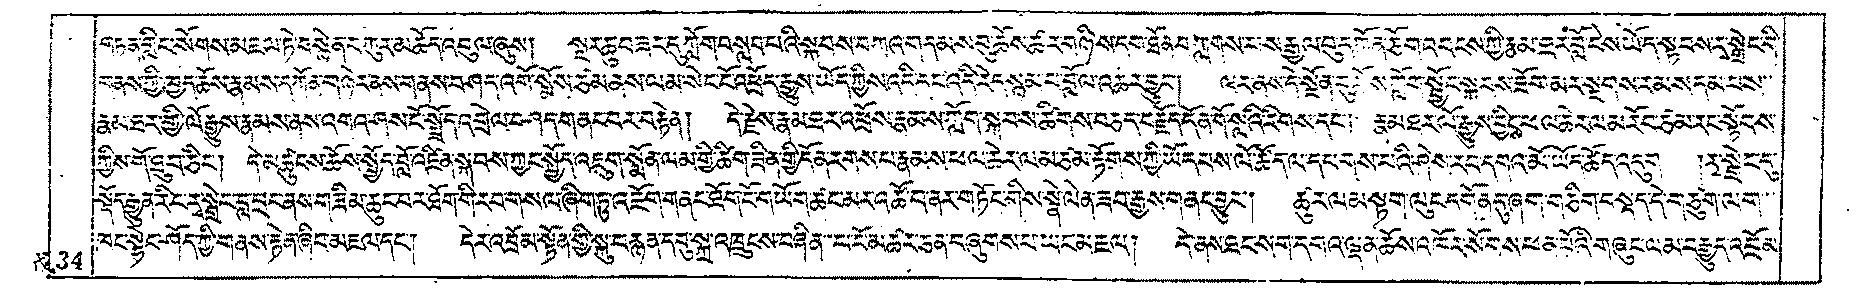གཏན་གླིང་སོགས་མཇལ་ཏེ་བསྙེན་བཀུར་མཆོད་འབུལ་ཞུས། སྔར་ཆུ་བཟང་དུ་ཀློག་བསླབ་པའི་སྐབས་བཀའ་གདམས་བུ་ཆོས་ཚར་གཉིས་དག་ཐོན་བཀླགས་པས་རྒྱལ་བུ་དཀོན་ཅོག་འབངས་ཀྱི་རྣམ་ཐར་བློ་ངེས་ཡོད་སྟབས་རྭ་སྒྲེང་གི་
གནས་ཀྱི་ཁྱད་ཆོས་རྣམས་དཀོན་གཉེར་ནས་གནས་བཤད་འགོ་སྨོས་ཙམ་ནས་ལམ་སེང་ངོ་འཕྲོད་རྒྱུས་ཡོད་ཀྱིས་འདི་དང་འདི་རེད་སྙམ་པ་བློ་ལ་འཆར་བྱུང་། ལར་ནས་དེ་སྔོན་བུ་ཆོས་ཀློག་སྦྱོང་སྐབས་ཐོག་མར་སྔགས་རམས་དམ་པས་
རྣམ་ཐར་གྱི་ལོ་རྒྱུས་རྣམས་ནས་འགའ་ཤས་ངོ་སྤྲོད་འགྲེལ་བཤད་གནང་བར་བརྟེན། དེ་རྗེས་རྣམ་ཐར་འཕྲོས་རྣམས་ཀློག་སྐབས་ཚིགས་བཅད་བརྗོད་དོན་གོ་སླའི་རིགས་དང་། རྣམ་ཐར་ལོ་རྒྱུས་བྱིངས་ཕལ་ཆེར་ལམ་རོབ་ཙམ་རང་སྟོབས་
ཀྱིས་གོ་ཐུབ་ཅིང་། དེ་མཚུངས་ཆོས་སྤྱོད་བློ་འཛིན་སྐབས་ཀྱང་སྤྱོད་འཇུག་སྨོན་ལམ་གྱི་ཚིག་ཟིན་གྱི་དོན་རགས་པ་རྣམས་ཕལ་ཆེར་ལམ་ཙམ་རྟོགས་ཀྱི་ཡོད་པས་ལོ་ཚོད་ལ་དཔགས་པའི་ཤེས་རབ་དགའ་མོ་ཡོད་ཚོད་འདུག །རྭ་སྒྲེང་དུ་
སྡོད་རྒྱུན་རིང་རྭ་སྒྲེང་བླ་བྲང་ནས་གཟིམ་ཆུང་བར་ཐོག་གི་རབ་གསལ་ཞིག་ཏུ་འཇོག་གནང་ཐོག་ངོ་གཡོག་ཚང་མར་འཚོ་བ་ནར་གཏོང་གིས་སྣེ་ལེན་ཟབ་རྒྱས་གནང་བྱུང་། ཚུར་ལམ་སྟག་ལུང་དགོན་དུ་ཞག་གཅིག་བསྡད་དེ་གཙུག་ལག་
ཁང་སྟེང་ཤོད་ཀྱི་གནས་རྟེན་ཞིབ་མཇལ་དང་། དེར་འབྲོམ་སྟོན་གྱི་སྐུ་བརྙན་དབུ་སྐྲ་འཁྲུངས་བཞིན་པ་ངོ་མཚར་ཅན་བཞུགས་པ་ཡང་མཇལ། དེ་ནས་ཐང་སག་དགའ་ལྡན་ཆོས་འཁོར་སོགས་ཕན་པོའི་གཞུང་ལམ་བརྒྱུད་འབྲོམ་